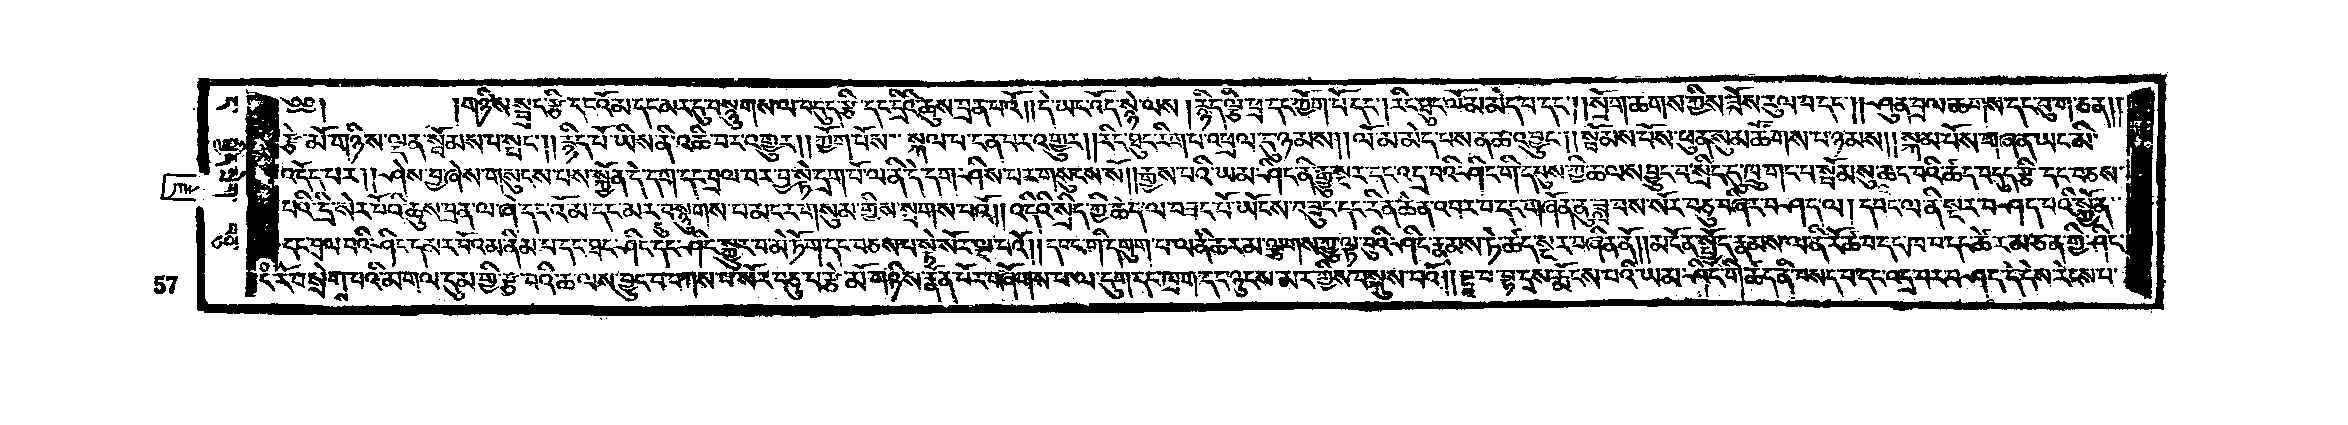༄༅། །གཉིས་སྦྲང་རྩི་དང་འོ་མ་དང་མར་དུ་བསྙུགས་ལ་བདུད་རྩི་དང་དྲིའི་ཆུས་བྲན་པའོ། །དེ་ཡང་འོད་སྙེ་ལས། རྙིད་ལྕི་ཕྲ་དང་ཀྱོག་པོ་དང་། རིང་ཐུང་ལོ་མ་མེད་པ་དང་། །སྲོག་ཆགས་ཀྱིས་ཟོས་རུལ་བ་དང་། །ཤུན་བྲལ་ཆགས་དང་བུ་ག་ཅན། །
རྩེ་མོ་གཉིས་ལྡན་སྦོམས་པ་སྤང་། །རྙིད་པོ་ཡིས་ནི་འཆི་བར་འགྱུར། །ཀྱོག་པོས་སྐལ་པ་ངན་པར་འགྱུར། །རིང་ཐུང་རིག་པ་འཕྲལ་དུ་ཉམས། །ལོ་མ་མེད་པས་ན་ཆ་འབྱུང་། །སྦོམས་པོས་ཕུན་སུམ་ཚོགས་པ་ཉམས། །སྐམ་པོས་གཞན་ཡང་མི་
འདོད་པར། །ཤེས་བྱ་ཞེས་གསུངས་པས་སྐྱོན་དེ་དག་དང་བྲལ་བར་བྱ་སྟེ་དྲག་པོ་ལ་ནི་དེ་དག་ཤིས་པར་གསུངས་སོ། །རྒྱས་པའི་ཡམ་ཤིང་ནི་རྒྱུ་སྔར་དང་འདྲ་བའི་ཤིང་གི་དབུས་ཀྱི་ཆ་ལས་བྱུང་བ་སྲིད་དུ་ཁྲུ་གང་པ་སྦོམས་སུ་ཆད་པའི་ཚད་བདུད་རྩི་དང་བཅས་
པའི་དྲི་སེར་པོའི་ཆུས་བྲན་ལ་ཞོ་དང་འོ་མ་དང་མར་དུ་བསྙུགས་པ་མངར་གསུམ་གྱིས་སྤགས་པའོ། །འདིའི་སྲིད་ཀྱི་ཆེད་ལ་བཟང་པོ་ཡོངས་བཟུང་དང་རིན་ཆེན་འབར་བ་དང་གཞོན་ནུ་ཟླ་བས་སོར་བཅུ་བཞིར་བཤད་ལ། དབང་ལ་ནི་སྔར་བཤད་པའི་སྐྱོན་
དང་བྲལ་བའི་ཤིང་དམར་པོའམ་ནིམ་པ་དང་ཐང་ཤིང་དང་ཤིང་སྐྱུར་བ་མེ་ཏོག་དང་བཅས་པ་སྟེ་སོར་ལྔ་པའོ། །དབང་གི་དགུག་པ་ལ་ནི་ཆར་མ་ལྕགས་ཀྱུ་ལྟ་བུའི་ཤིང་རྣམས་ཏེ་ཚད་སྔར་བཞིན་ནོ། །མངོན་སྤྱོད་རྣམས་ལ་ནི་རོ་ཚ་བ་དང་ཁ་བ་དང་ཚེར་མ་ཅན་གྱི་ཤིང་
ངམ་རོ་བསྲེགས་པའི་མགལ་དུམ་གྱི་རྩ་བའི་ཆ་ལས་བྱུང་བ་བཀས་པ་སོར་བཅུ་པ་རྩེ་མོ་གཉིས་རྣོན་པོར་བཞོགས་པ་ལ་དུག་དང་ཁྲག་དང་ཉུངས་མར་གྱིས་བསྐུས་བའོ། །བྷཱ་བ་བྷ་དྲས་རྨོངས་པའི་ཡམ་ཤིང་གི་ཚད་ནི་བསད་པ་དང་འདྲ་བར་བཤད་དེ་དེས་རེངས་པ་